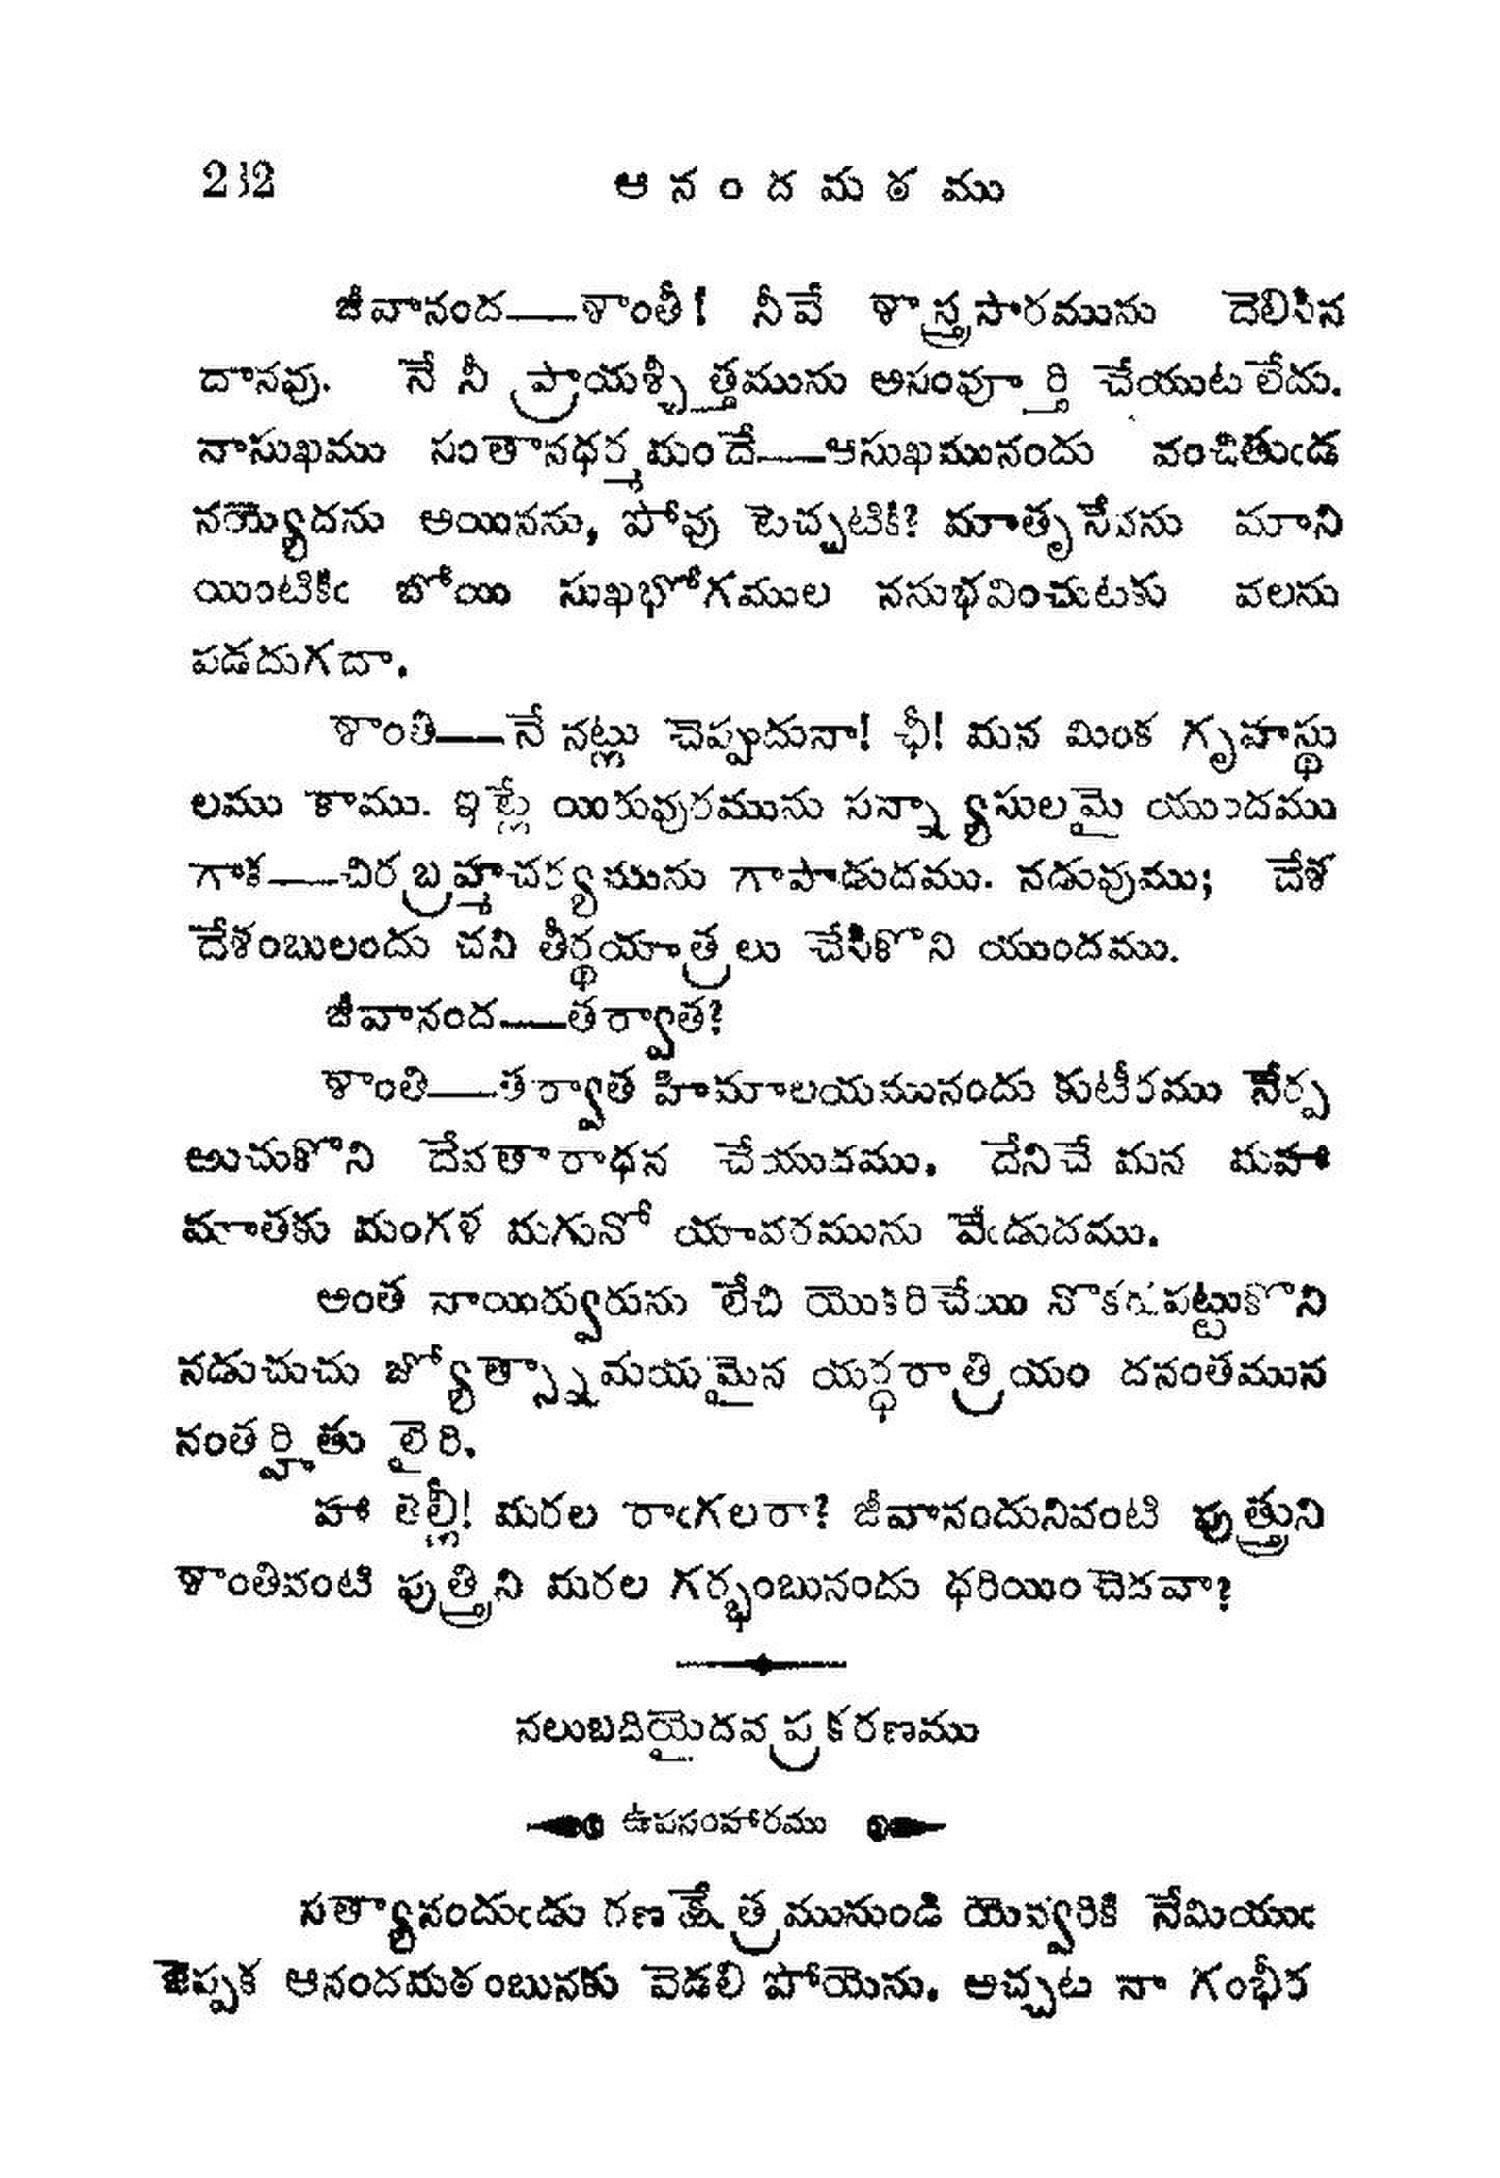జీవానంద——శాంతీ ! నీవే శాస్త్ర సారమును దెలిసిన దానవు, నే నీ ప్రాయశ్చిత్తమును అసంపూర్తి చేయుట లేదు.
నాసుఖము సంతానధర్మమందే—— ఆ సుఖమునందు వంచితుఁడ నయ్యెదను అయినను, పోవు టెచ్చటికి? మాతృసేవను మాని యింటికిఁ బోయి సుఖభోగముల ననుభవించుటకు వలను పడదుగదా.

శాంతి——నే నట్లు చెప్పుదునా! ఛీ! మన మింక గృహస్థులము కాము. ఇట్లే యిరువురమును సన్న్యాసులమై యుందము
గాక—— చిర బ్రహ్మచర్యమును గాపాడుదము. నడువుము; దేశ దేశంబులందు చని తీర్థయాత్రలు చేసికొని యుందము.

జీవానంద——తర్వాత?

శాంతి—— తర్వాత హిమాలయమునందు కుటీరము నేర్పఱుచుకొని దేవతారాధన చేయుదము, దేనిచే మన మహామాతకు మంగళమగునో యావరమును వేఁడుదము.

అంత నాయిర్వురును లేచి యొకరి చేయి నొకరు పట్టుకొని నడుచుచు జోత్స్నామయమైన యర్ధరాత్రి యం దనంతమున
నంతర్షితు లైరి.

హా తల్లీ! మరల 'రాఁగలరా? జీవానందునివంటి పుత్రుని శాంతివంటి పుత్రిని మరల గర్భంబునందు ధరియిం చెదవా?

నలుబదియైదవ ప్రకరణము

ఉపసంహారము

సత్యానందుఁడు రణ క్షేత్రమునుండి యెవ్వరికి నేమియుఁ జెప్పక ఆనందమఠంబునకు వెడలి పోయెను. అచ్చట నా గంభీర